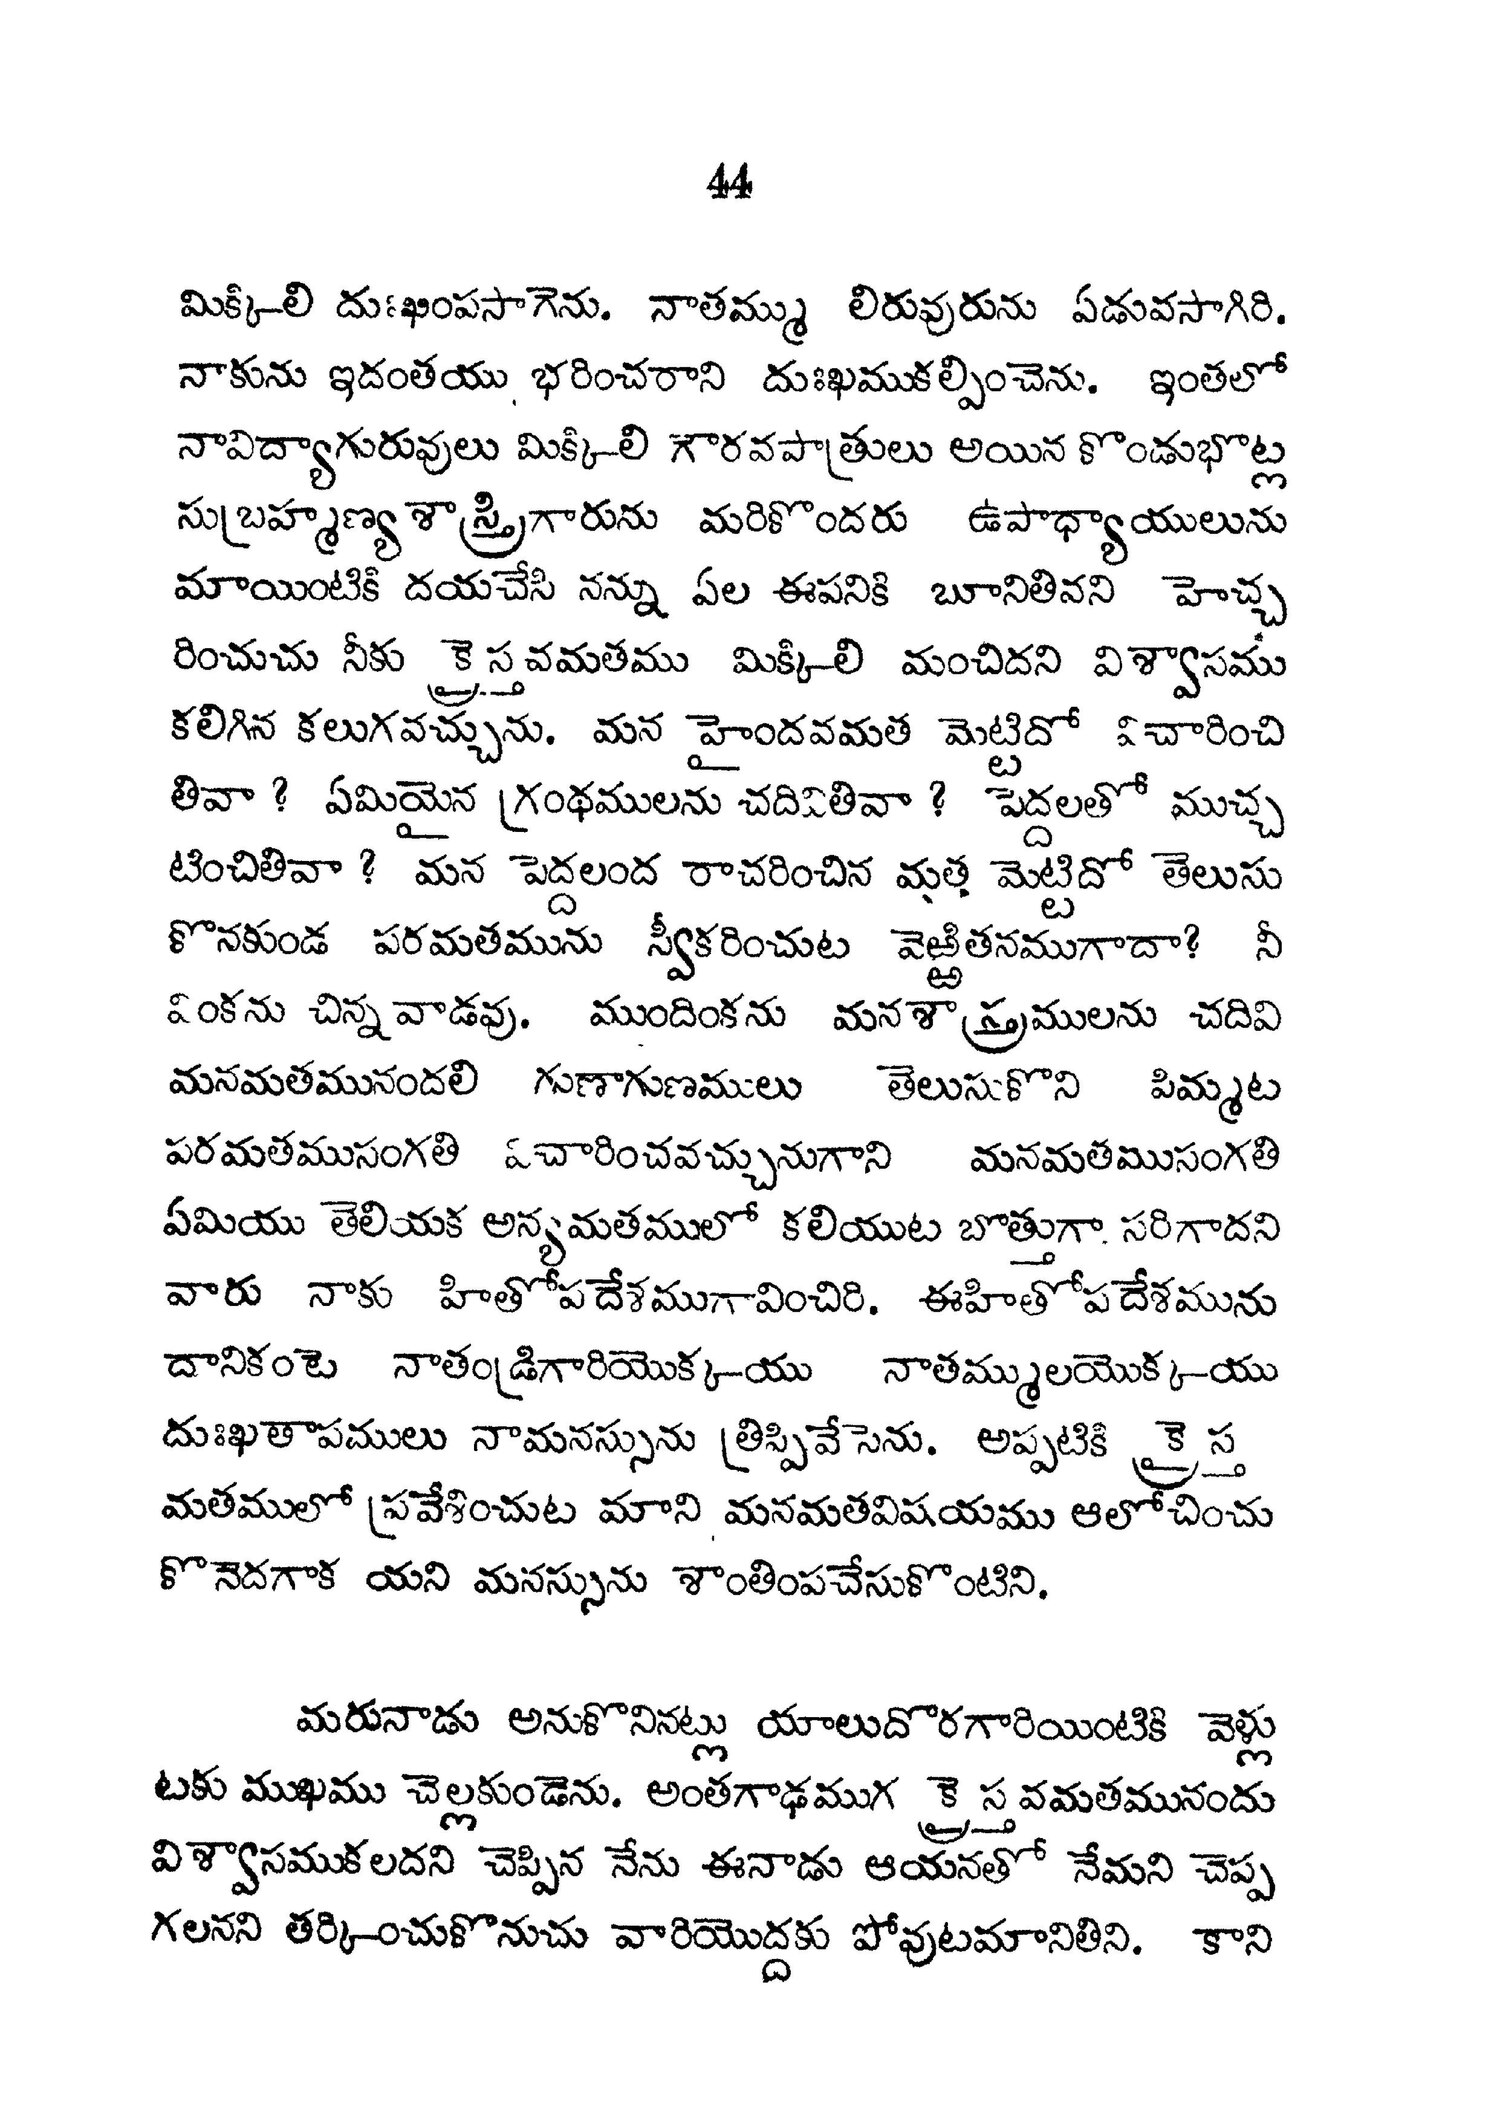మిక్కిలి దు:ఖింపసాగెను. నాతమ్ము లిరువురును ఏడువసాగిరి. నాకును ఇదంతయు భరించరాని దు:ఖముకల్పించెను. ఇంతలో నావిద్యాగురువులు మిక్కిలి గౌరవపాత్రులు అయిన కొండుభొట్ల సుబ్రహ్మణ్యశాస్త్రిగారును మరికొందరు ఉపాధ్యాయులును మాయింటికి దయచేసి నన్ను ఏల ఈపనికి బూనితివని హెచ్చరించుచు నీకు క్రైస్తవమతము మిక్కిలి మంచిదని విశ్వాసము కలిగిన కలుగవచ్చును. మన హైందవమత మెట్టిదో విచారించితివా? ఏమియైన గ్రంథములను చదివితివా? పెద్దలతో ముచ్చటించితివా? మన పెద్దలంద రాచరించిన మత మెట్టిదో తెలుసుకొనకుండ పరమతమును స్వీకరించుట వెఱ్ఱితనముగాదా? నీ వింకను చిన్నవాడవు. ముందింకను మనశాస్త్రములను చదివి మనమతమునందలి గుణాగుణములు తెలుసుకొని పిమ్మట పరమతముసంగతి విచారించవచ్చునుగాని మనమతముసంగతి ఏమియు తెలియక అన్యమతములో కలియుట బొత్తుగా సరిగాదని వారు నాకు హితోపదేశముగావించిరి. ఈహితోపదేశమును దానికంటె నాతండ్రిగారియొక్కయు నాతమ్ములయొక్కయు దు:ఖతాపములు నామనస్సును త్రిప్పివేసెను. అప్పటికి క్రైస్తవమతములో ప్రవేశించుట మాని మనమతవిషయము ఆలోచించు కొనెదగాక యని మనస్సును శాంతింపచేసుకొంటిని.

మరునాడు అనుకొనినట్లు యూలుదొరగారియింటికి వెళ్లుటకు ముఖము చెల్లకుండెను. అంతగాఢముగ క్రైస్తవమతమునందు విశ్వాసముకలదని చెప్పిన నేను ఈనాడు ఆయనతో నేమని చెప్పగలనని తర్కించుకొనుచు వారియొద్దకు పోవుటమానితిని. కాని